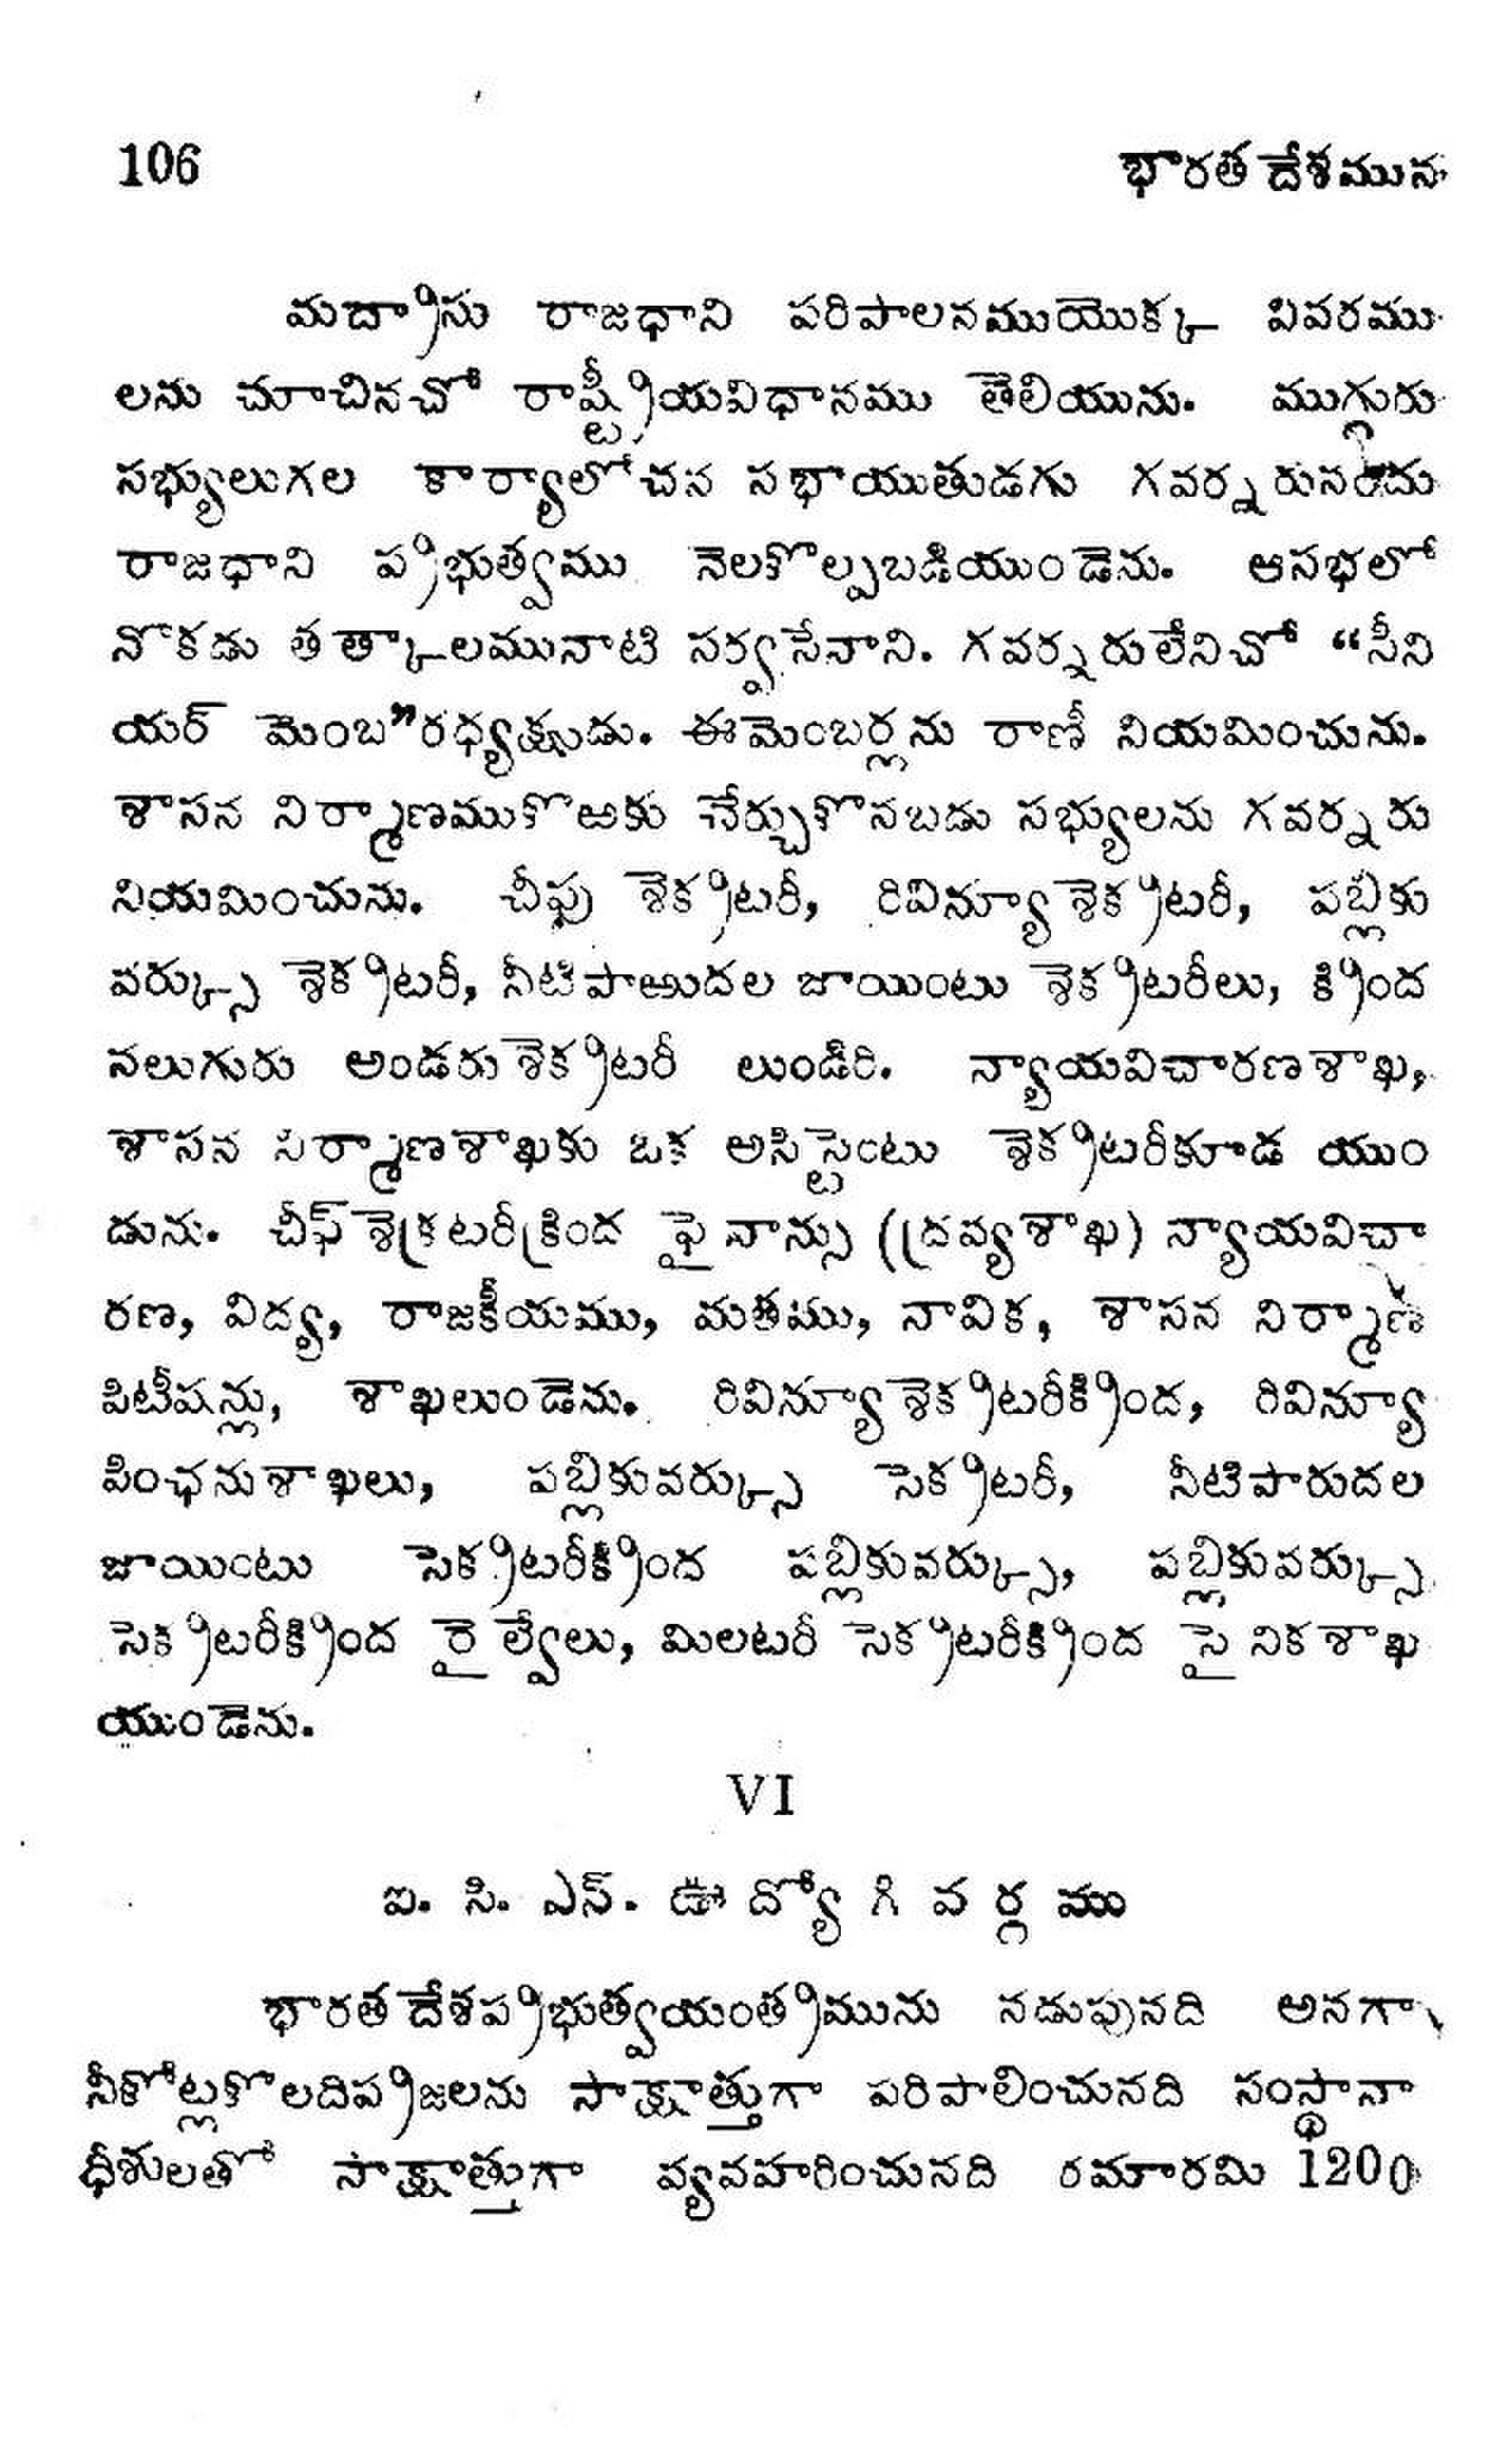మద్రాసు రాజధాని పరిపాలనముయొక్క వివరములను చూచినచో రాష్ట్రీయవిధానము తెలియును. ముగ్గురు సభ్యులుగల కార్యాలోచన సభాయుతుడగు గవర్నరునందు రాజధాని ప్రభుత్వము నెలకొల్పబడియుండెను. ఆసభలో నొకడు తత్కాలమునాటి సర్వసేనాని. గవర్నరులేనిచో “సీనియర్ మెంబ"రధ్యక్షుడు. ఈ మెంబర్లను రాణీ నియమించును. శాసన నిర్మాణముకొఱకు చేర్చుకొనబడు సభ్యులను గవర్నరు నియమించును. చీఫు శెక్రటరీ, రివిన్యూశెక్రటరీ, పబ్లికువర్క్సు శెక్రటరీ, నీటిపాఱుదల జాయింటు శెక్రటరీలు, క్రింద నలుగురు అండరు శెక్రటరీ లుండిరి. న్యాయవిచారణశాఖ, శాసన నిర్మాణశాఖకు ఒక అసిస్టెంటు శెక్రటరీకూడ యుండును. చీఫ్ శెక్రటరీక్రింద ఫైనాన్సు (ద్రవ్య శాఖ) న్యాయవిచారణ, విద్య, రాజకీయము, మతము, నావిక, శాసన నిర్మాణ పిటీషన్లు, శాఖలుండెను. రివిన్యూ శెక్రటరీక్రింద, రివిన్యూ పింఛనుశాఖలు, పబ్లికువర్క్సు సెక్రటరీ, నీటిపారుదల జాయింటు సెక్రటరీక్రింద పబ్లికువర్క్సు, పబ్లికువర్క్సు సెక్రటరీక్రింద రైల్వేలు, మిలటరీ సెక్రటరీక్రింద సైనికశాఖ యుండెను.

VI 
ఐ. సి. ఎస్. ఊద్యోగి వర్గము

భారతదేశప్రభుత్వయంత్రమును నడుపునది. అనగా నీకోట్లకొలదిప్రజలను సాక్షాత్తుగా పరిపాలించునది సంస్థానాధీశులతో సాక్షాత్తుగా వ్యవహరించునది రమారమి 1200